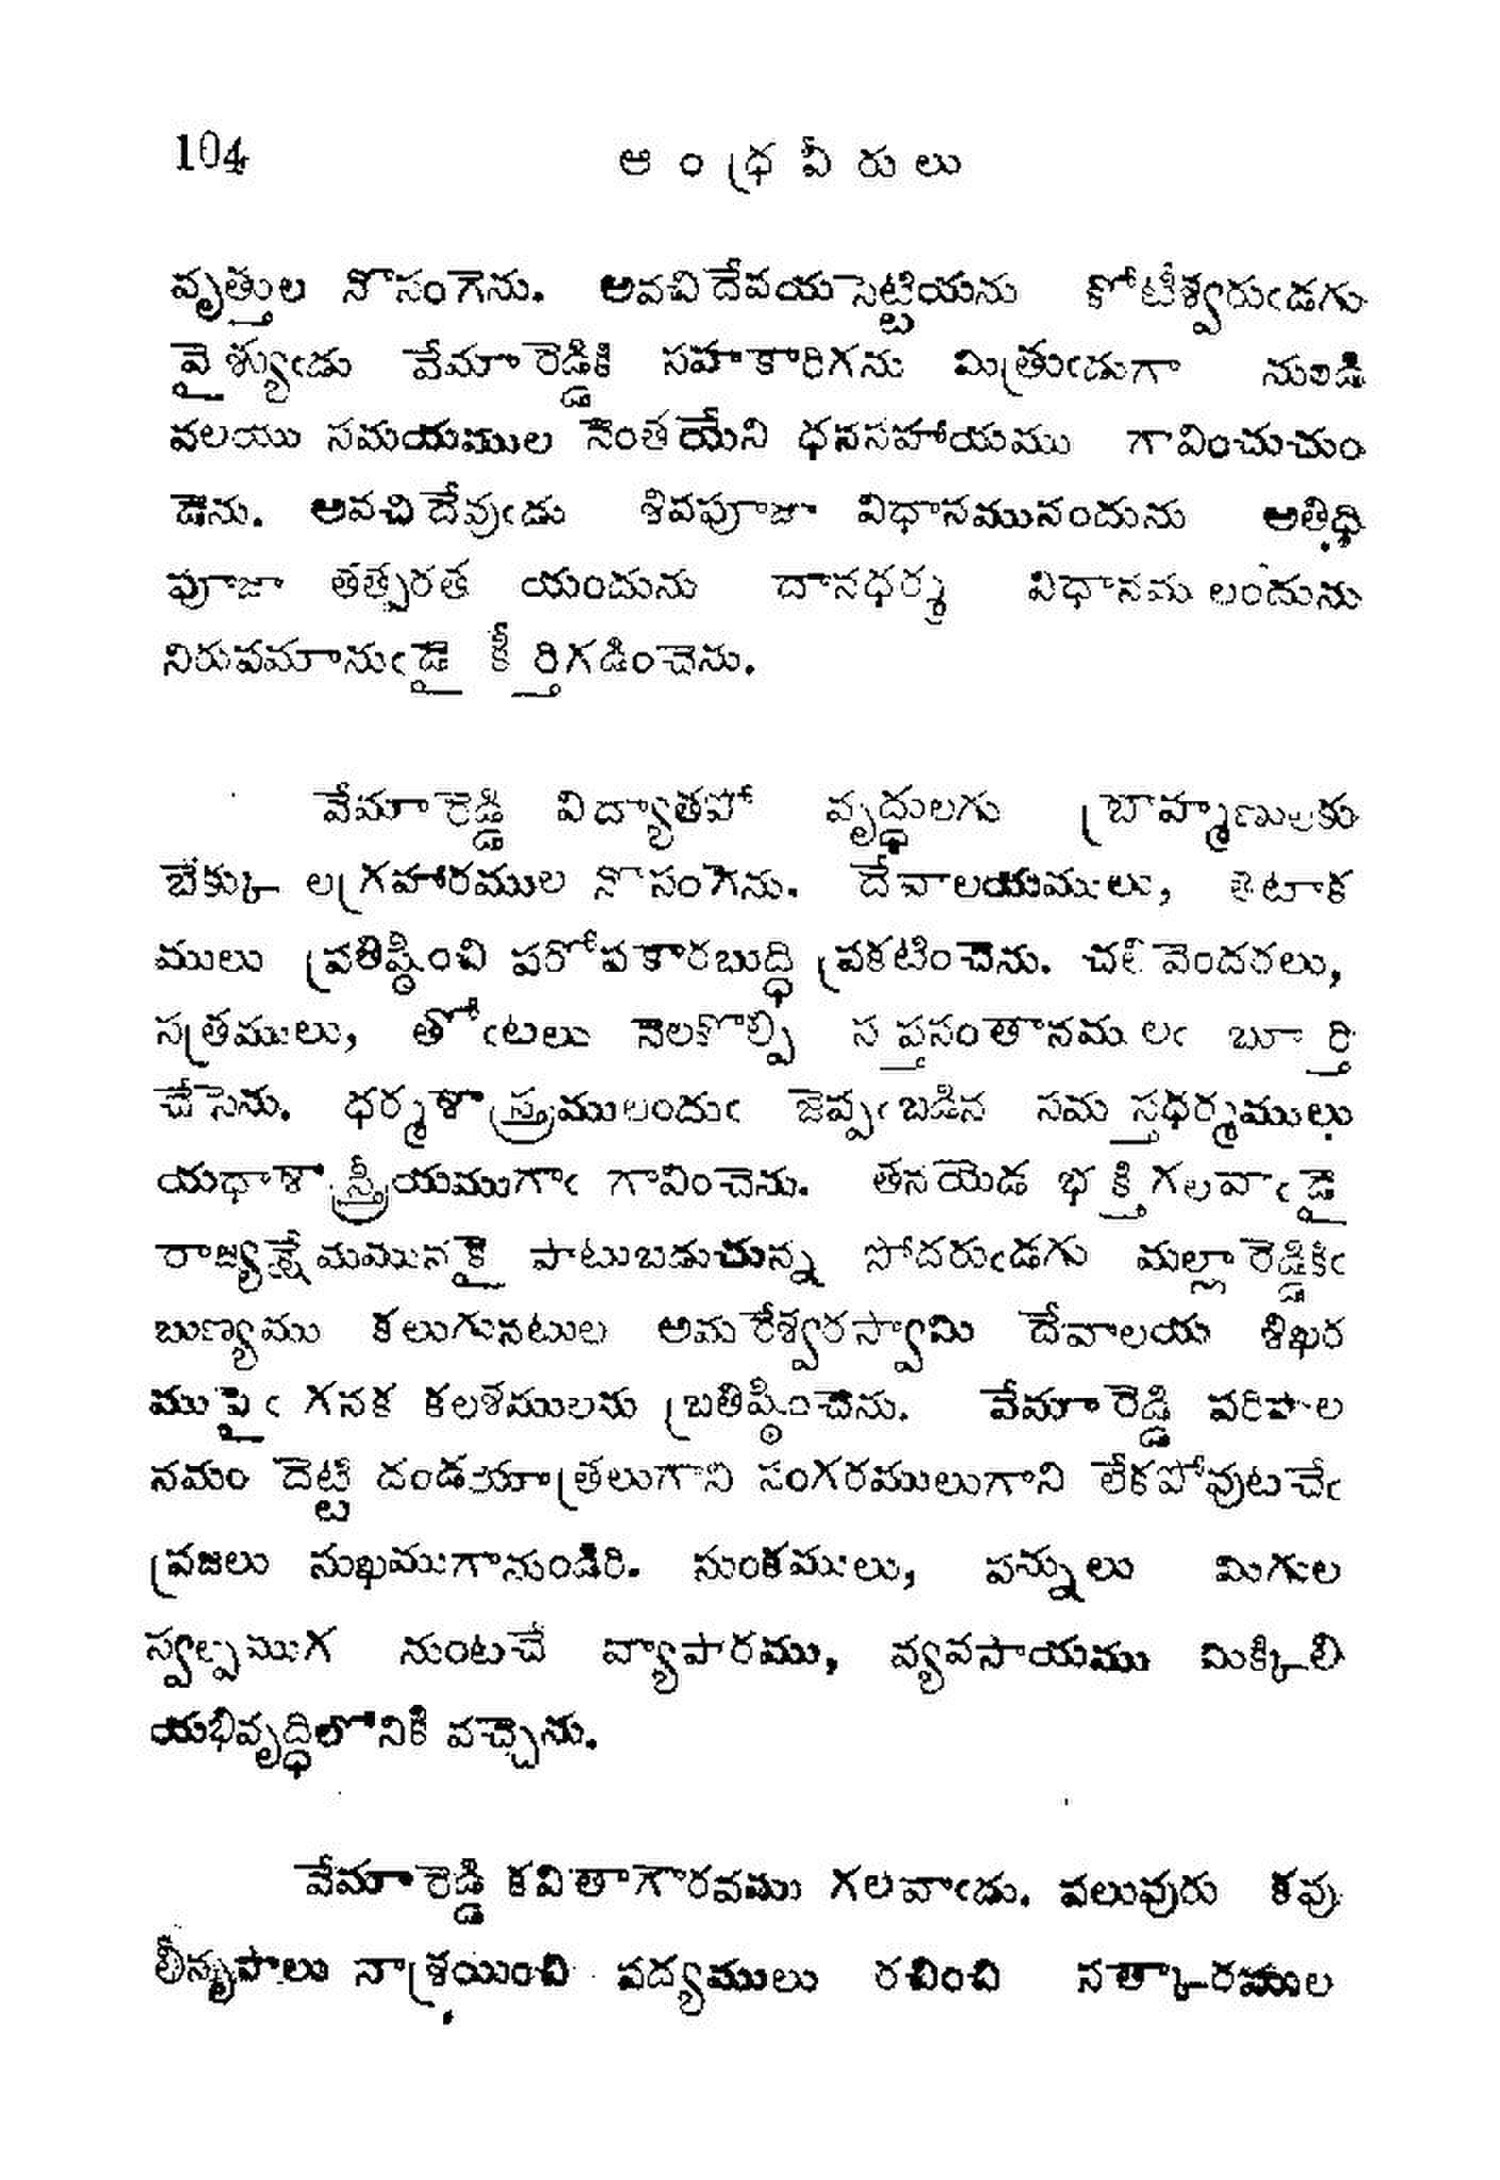వృత్తుల నొసంగెను. అవచిదేవయసెట్టియను కోటీశ్వరుడగు వైశ్యుడు వేమారెడ్డికి సహకారిగను మిత్రుడుగా నుండి వలయు సమయముల నెంతయేని ధనసహాయము గావించుచుండెను. అవచిదేవుడు శివపూజా విధానమునందును అతిధిపూజా తత్పరత యందును దానధర్మ విధానమ లందును నిరుపమానుడై కీర్తిగడించెను.

వేమారెడ్డి విద్యాతపో వృద్ధులగు బ్రాహ్మణులకు బెక్కు లగ్రహారముల నొసంగెను. దేవాలయములు, తటాకములు ప్రతిష్టించి పరోపకారబుద్ధి ప్రకటించెను. చలివెందరలు, సత్రములు, తోటలు నెలకొల్పి సప్తసంతానముల బూర్తిచేసెను. ధర్మశాస్త్రములందు జెప్పబడిన సమస్తధర్మములు యధాశాస్త్రీయముగా గావించెను. తనయెడ భక్తిగలవాడై రాజ్యక్షేమమునకై పాటుబడుచున్న సోదరుడగు మల్లారెడ్డికి బుణ్యము కలుగునటుల అమరేశ్వరస్వామి దేవాలయ శిఖరముపై గనక కలశములను బ్రతిష్ఠించెను. వేమారెడ్డి పరిపాలనమం దెట్టి దండయాత్రలుగాని సంగరములుగాని లేకపోవుటచే ప్రజలు సుఖముగానుండిరి. సుంకములు, పన్నులు మిగుల స్వల్పముగ నుంటచే వ్యాపారము, వ్యవసాయము మిక్కిలి యభివృద్ధిలోనికి వచ్చెను.

వేమారెడ్డి కవితాగౌరవము గలవాడు. పలువురు కవులీనృపాలు నాశ్రయించి పద్యములు రచించి సత్కారముల